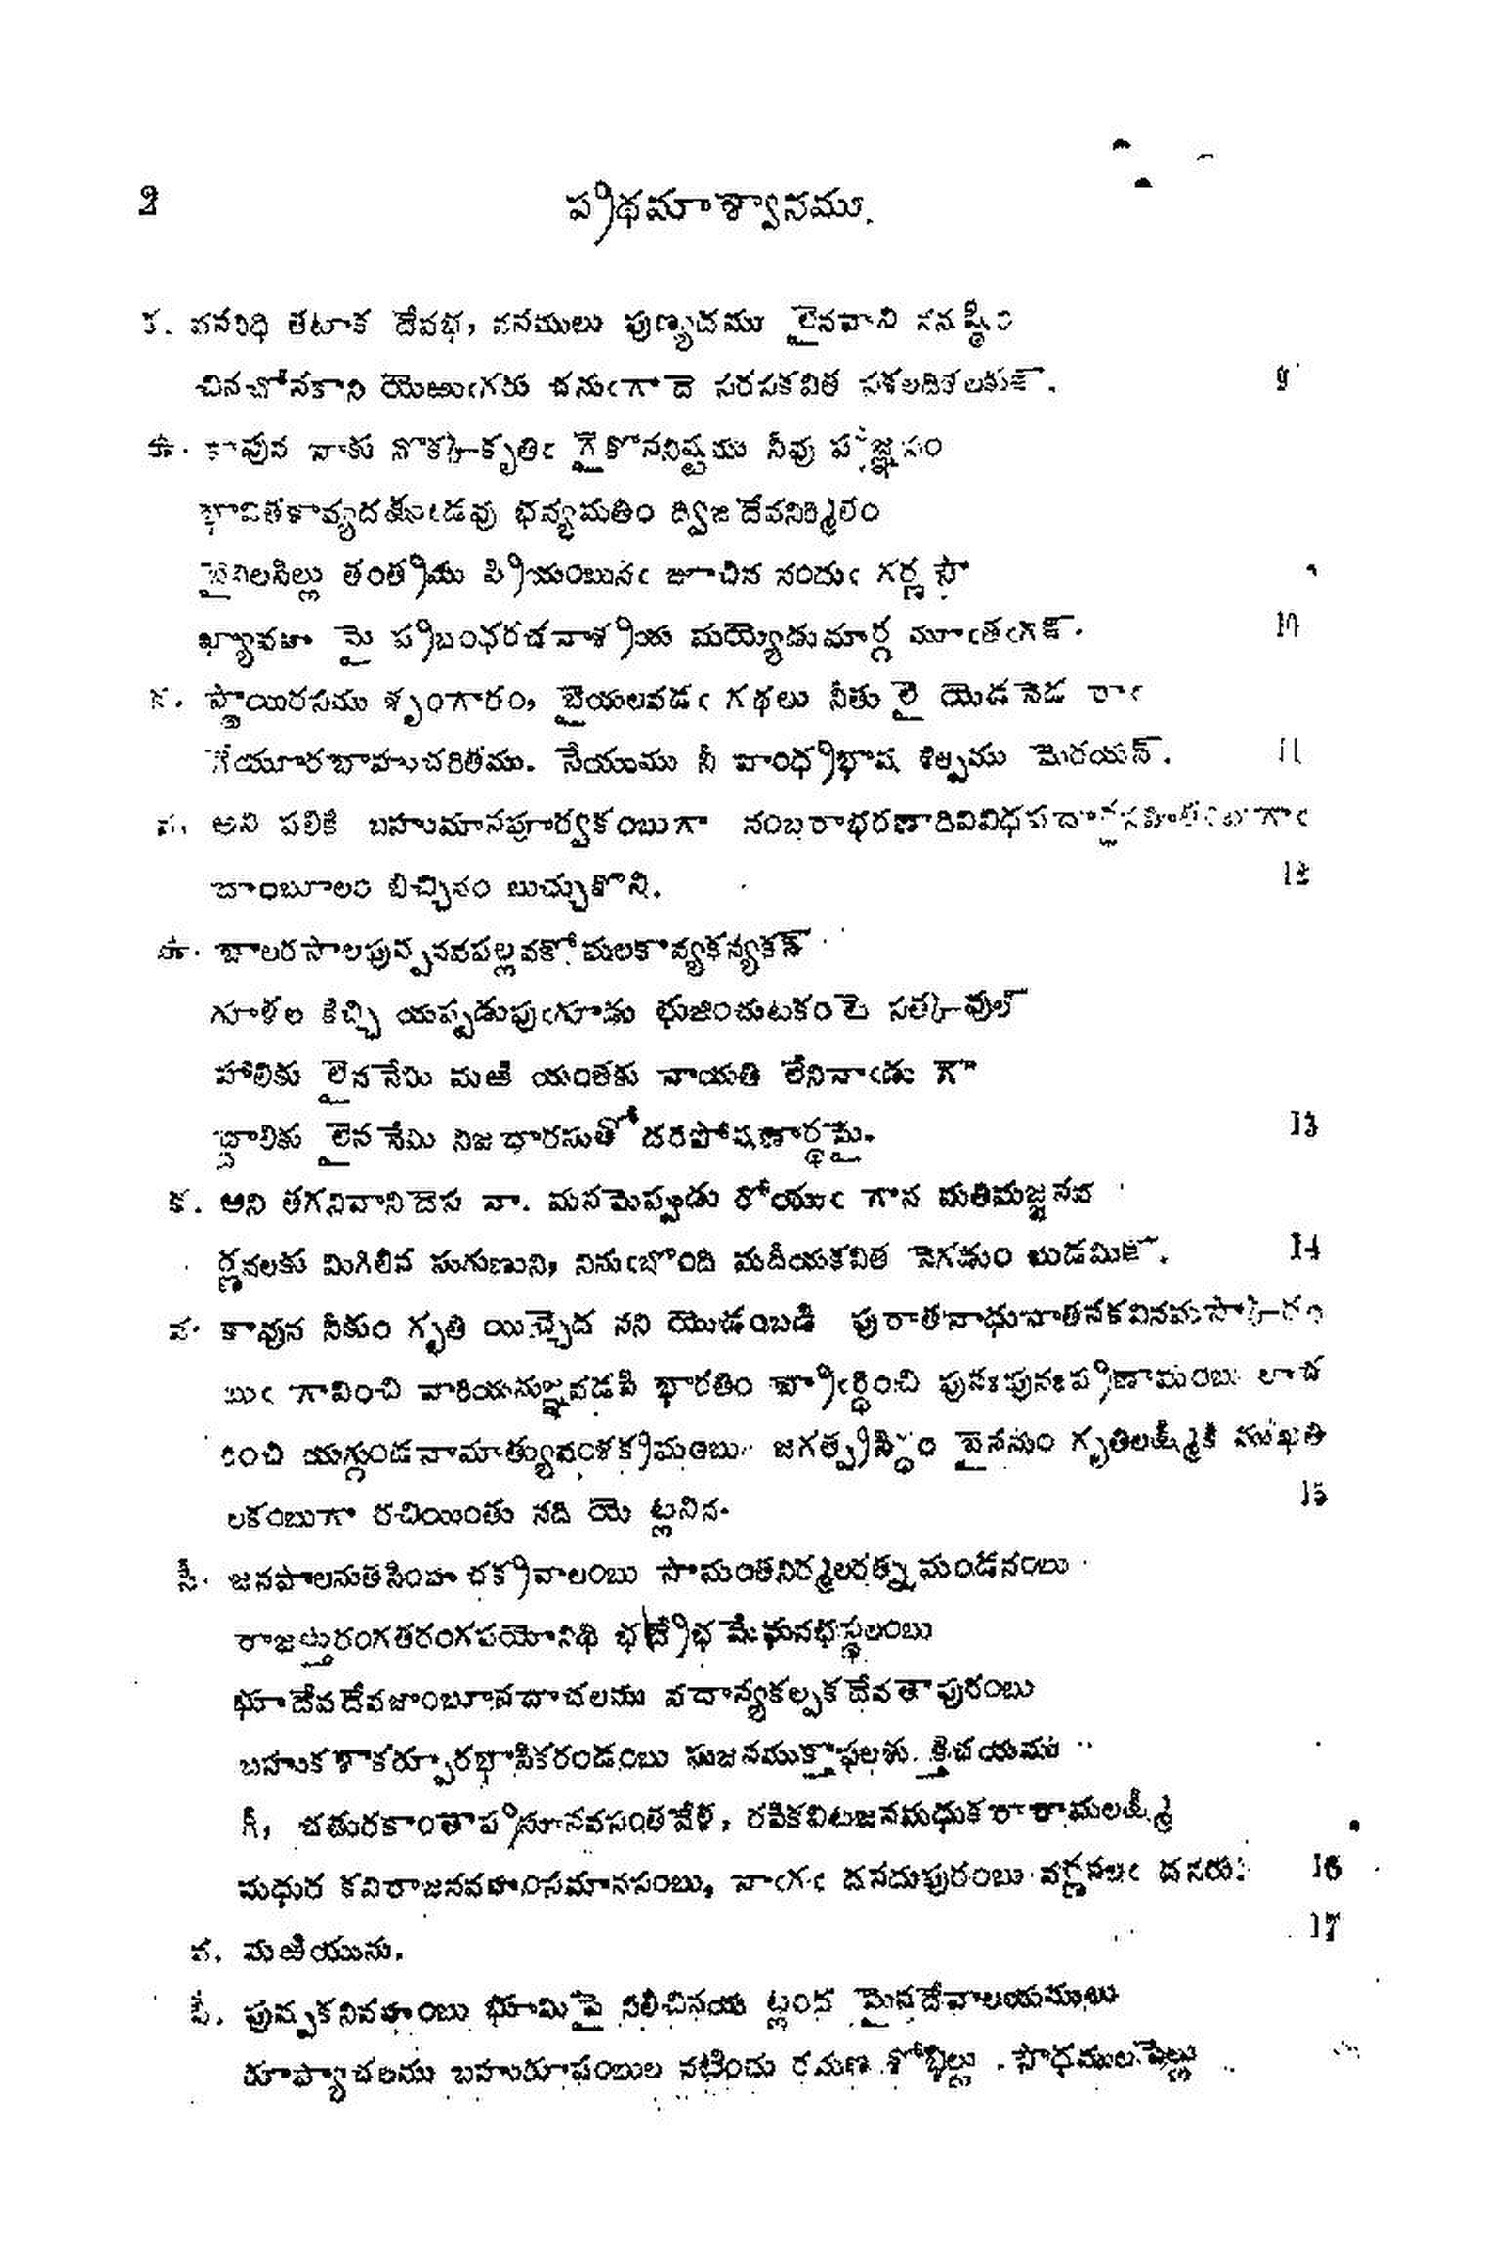క. వననిధి తటాక దేవభ, వనములు పుణ్యదము లైనవాని ననుష్ఠిం
 చినచోనకాని యెఱుఁగరు చనుఁగాదె సరసకవిత సకలదిశలకున్.
ఉ. కావున నాకు నొక్కకృతిఁ గైకొననిష్టము నీవు ప్రజ్ఞసం
 భావితకావ్యదక్షుఁడవు భవ్యమతిం ద్విజదేవనిర్మితం
 బై విలసిల్లు తంత్రము ప్రియంబునఁ జూచిన నందుఁ గర్ణసౌ
 ఖ్యావహ మై ప్రబంధరచనాశ్రయ మయ్యెడు మార్గ మూఁతఁగన్.
క. స్థాయిరసము శృంగారం, బైయలవడఁ గథలు నీతులై యెడనెడ రాఁ
 గేయూరబాహుచరితము, సేయుము నీ వాంధ్రభాష శిల్పము మెరయన్.
వ. అని పలికి బహుమానపూర్వకంబుగా నంబరాభరణాదివివిధపదార్థసహితంబుగాఁ
 దాంబూలం బిచ్చినం బుచ్చుకొని.
ఉ. బాలరసాలపుష్పవవపల్లవకోమలకావ్యకన్యకన్
 గూళల కిచ్చి యప్పడుపుఁగూడు భుజించుటకంటె సత్కవుల్
 హాలికు లైన నేమి మఱి యంతకు నాయతి లేనినాఁడు గౌ
 ద్దాలికు లైన నేమి నిజదారసుతోదరపోషణార్థమై.
క. అని తగనివాని దెస నా, మన మెప్పుడు రోయుఁ గొన మతిమజ్జనవ
 ర్ణనలకు మిగిలిన సుగుణుని, నినుఁబొంది మదీయకవిత నెగడుం బుడమిన్.
వ. కావున నీకుం గృతి యిచ్చెద నని యొడంబడి పురాతనాధునాతనకవినమస్కారం
 బుఁ గావించి వారియనుజ్ఞ వడసి భారతిం బ్రార్థించి పునఃపునఃప్రణామంబు లాచ
 రించి యగ్గుండనామాత్యువంశక్రమంబు జగత్ప్రసిద్ధం బైననుం గృతిలక్ష్మికి ముఖతి
 లకంబుగా రచియింతు నది యెట్లనిన-
సీ. జనపాలనుతసింహ చక్రవాలంబు సామంతనిర్మలరత్నమండనంబు
 రాజత్తురంగతరంగపయోనిధి భద్రేభమేఘనభస్థలంబు
 భూదేవదేవజాంబూనదాచలము వదాన్యకల్పకదేవతాపురంబు
 బహుకళాకర్పూరభాసికరండంబు సుజనముక్తాఫలశుక్తిచయము
గీ. చతురకాంతాప్రసూనవసంతవేళ, రసికవిటజనమధుకరారామలక్ష్మి
 మధురకవిరాజనవహంసమానసంబు, నాఁగఁ దనదుపురంబు వర్ణనలఁ దనరు.
వ. మఱియును.
సీ. పుష్పకనివహంబు భూమిపై నిలిచినయ ట్లంద మైనదేవాలయములు
 రూప్యాచలము బహురూపంబుల నటించు రమణ శోభిల్లు సౌధముల పెల్లు